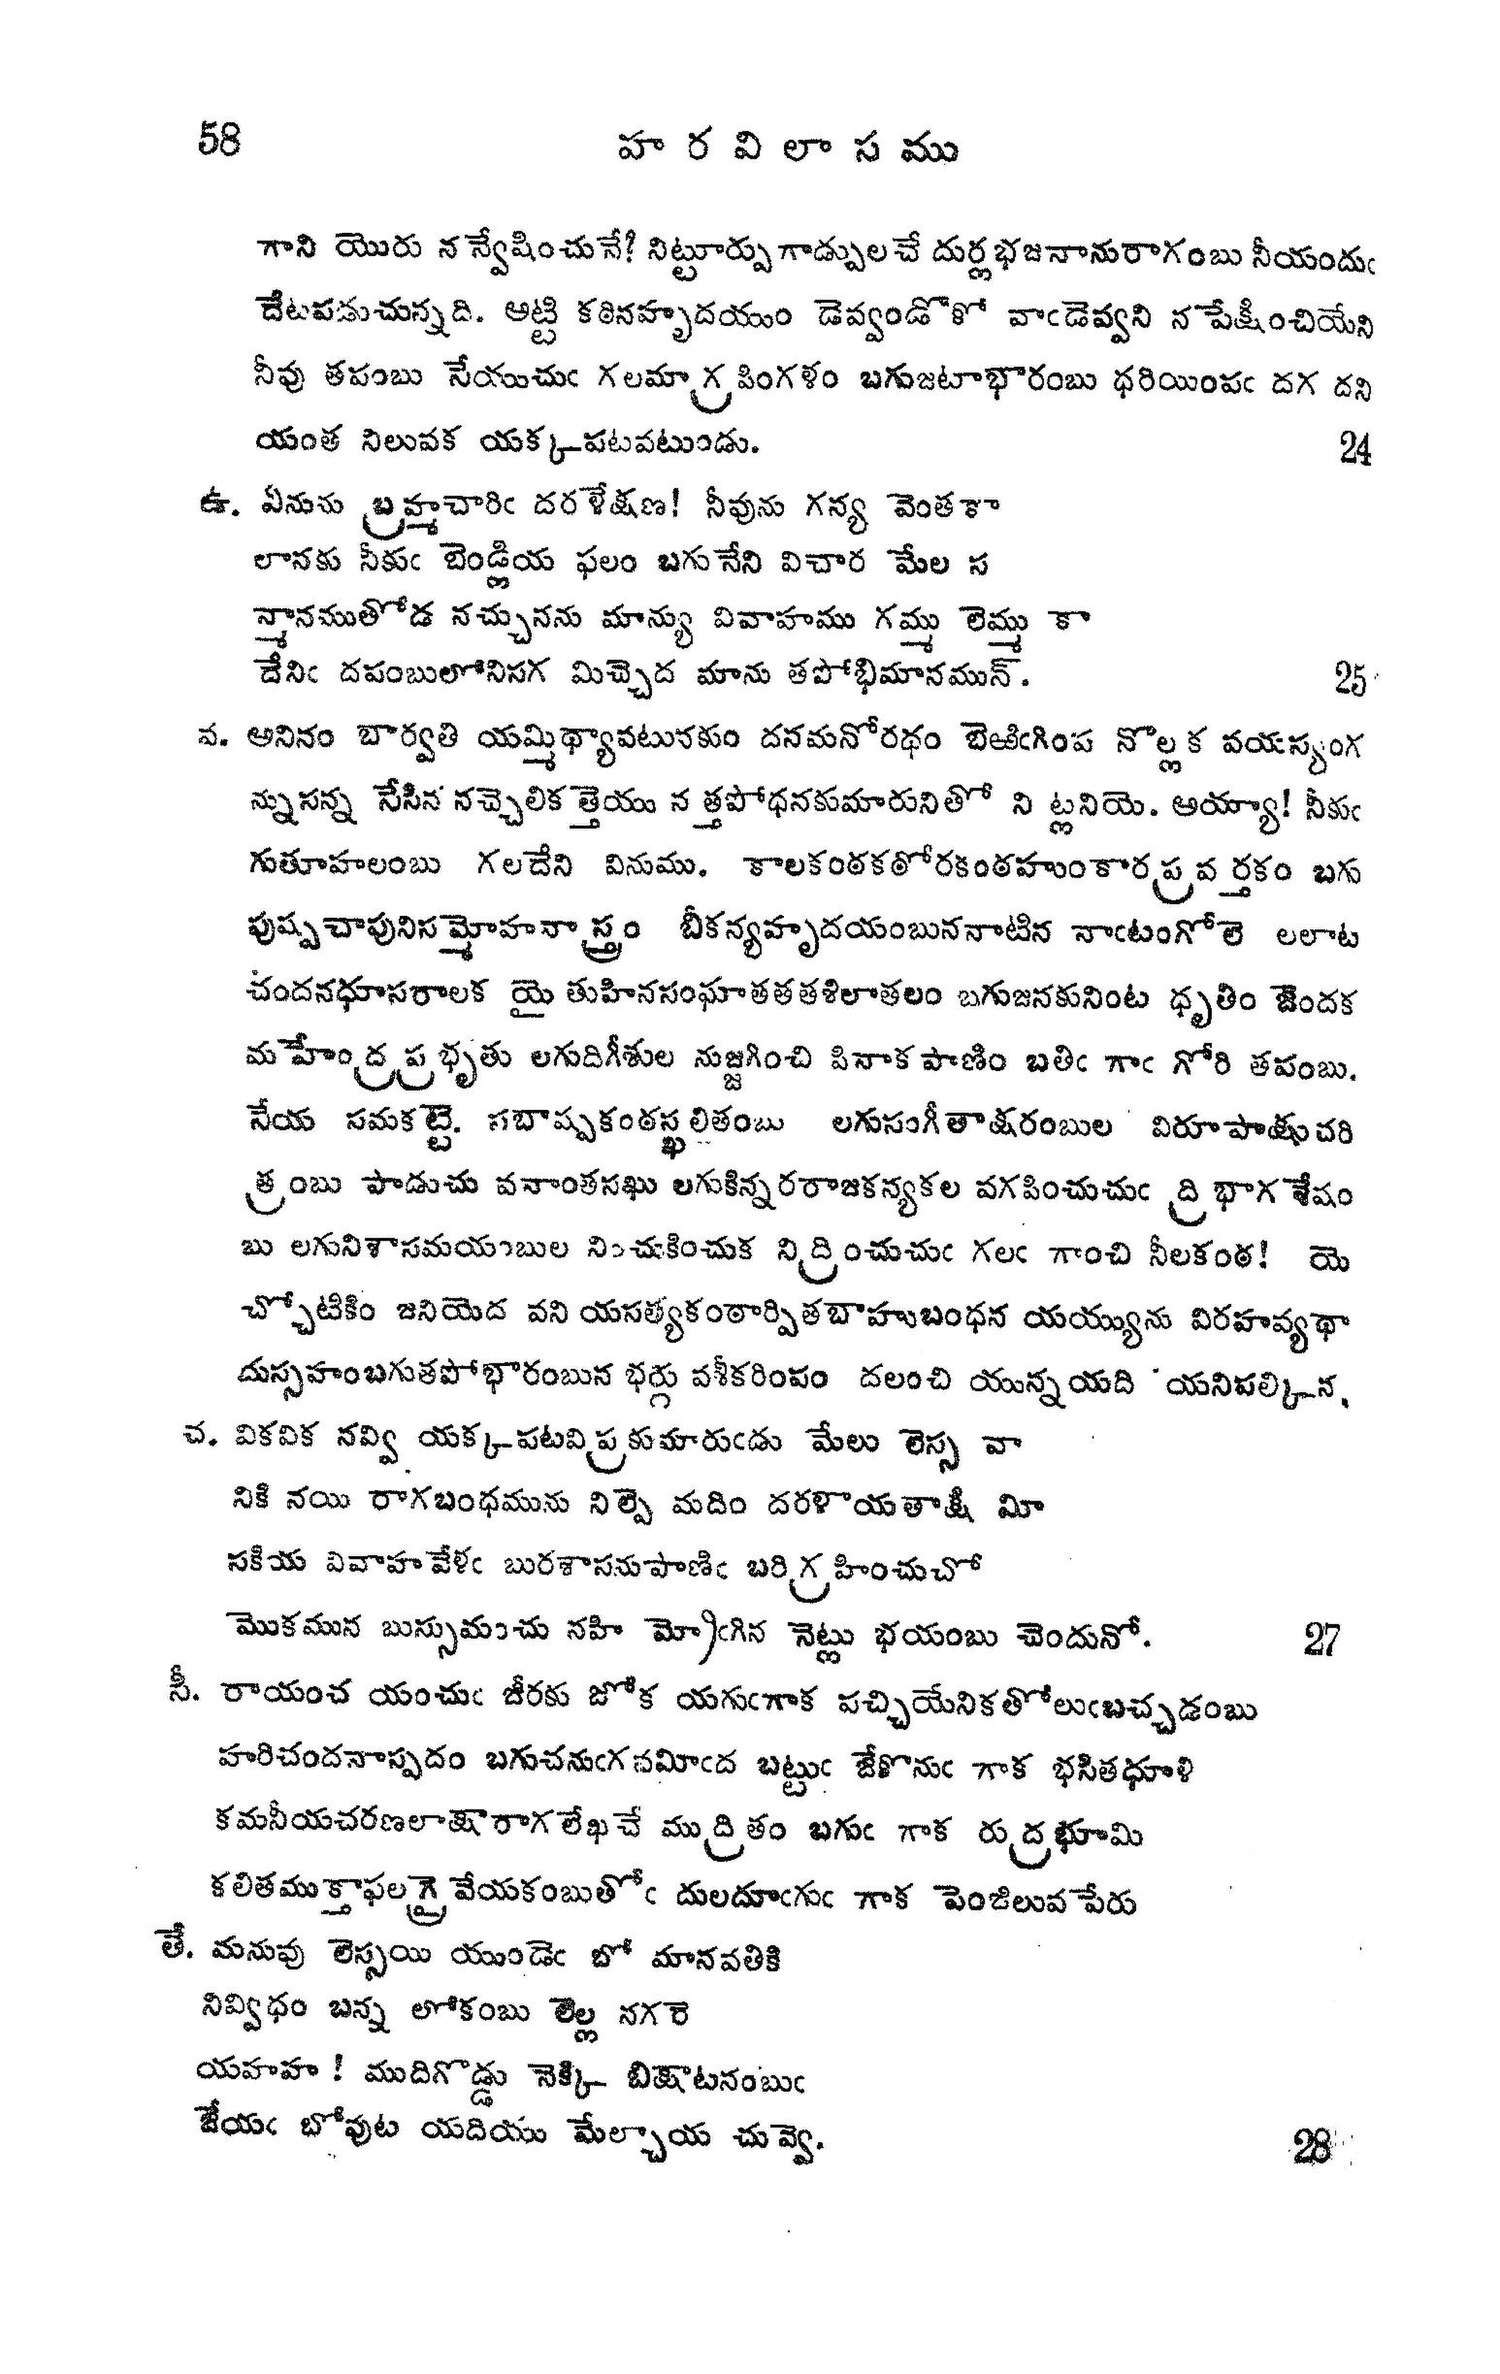గాని యొరు నన్వేషించునే? నిట్టూర్పుగాడ్పులచే దుర్లభజనానురాగంబు నీయందుఁ దేటపడుచున్నది. అట్టి కఠినహృదయుం డెవ్వండొ వాఁడెవ్వని నపేక్షించియేని నీవు తపంబు సేయుచుఁ గలమాగ్రపింగళం బగుజటాభారంబు ధరియింపఁ దగ దని యంత నిలువక యక్కపటవటుండు. 24

ఉ. ఏనును బ్రహ్మచారిఁ దరళేక్షణ! నీవును గన్య వెంతకా
లానకు నీకుఁ బెండ్లియ ఫలం బగునేని విచార మేల స
స్థానముతోడ నచ్చునను మాన్యు వివాహము గమ్ము లెమ్ము కా
దేనిఁ దపంబులోనిసగ మిచ్చెద మాను తపోభిమానమున్. 25

వ. అనినం బార్వతి యమ్మిథ్యావటునకుం దనమనోరథం బెఱిఁగింప నొల్లక వయస్యంగన్నుసన్న సేసిన నచ్చెలికత్తెయు నత్తపోధనకుమారునితో ని ట్లనియె. అయ్యా! నీకుఁ గుతూహలంబు గలదేని వినుము. కాలకంఠకఠోరకంఠహుంకారప్రవర్తకం బగుపుష్పచాపునిసమ్మోహనాస్త్రం బీకన్యహృదయంబున నాటిన నాఁటంగోలె లలాటచందనధూసరాలక యై తుహినసంఘాతతతశిలాతలం బగుజనకునింట ధృతిం జెందక మహేంద్రప్రభృతు లగుదిగీశుల నుజ్జగించి పినాకపాణిం బతిఁ గాఁ గోరి తపంబు సేయ సమకట్టె. సబాష్పకంఠస్ఖలితంబు లగుసంగీతాక్షరంబుల విరూపాక్షుచరిత్రంబు పాడుచు వనాంతసఖు లగుకిన్నరరాజకన్యకల వగపించుచుఁ ద్రిభాగశేషంబు లగునిశాసమయంబుల నించుకించుక నిద్రించుచుఁ గలఁ గాంచి నీలకంఠ! యెచ్చోటికిం జనియెద వని యసత్యకంఠార్పితబాహుబంధన యయ్యును విరహవ్యథాదుస్సహం బగుతపోభారంబున భర్గు వశీకరింపం దలంచి యున్నయది యనిపల్కిన. 26

చ. వికవిక నవ్వి యక్కపటవిప్రకుమారుఁడు మేలు లెస్స వా
నికి నయి రాగబంధమును నిల్పె మదిం దరళాయతాక్షి మీ
సకియ వివాహవేళఁ బురశాసనుపాణిఁ బరిగ్రహించుచో
మొకమున బుస్సుమంచు నహి మోగిన నెట్లు భయంబు చెందునో. 27

సీ. రాయంచ యంచుఁ జీరకు జోక యగుఁగాక పచ్చియేనికతోలుఁబచ్చడంబు
హరిచందనాస్పదం బగుచనుఁగవమీఁద బట్టుఁ జేకొనుఁ గాక భసితధూళి
కమనీయచరణలాక్షారాగలేఖచే ముద్రితం బగుఁ గాక రుద్రభూమి
కలితముక్తాఫలగ్రైవేయకంబుతోఁ దులదూఁగుఁ గాక పెంజిలువపేరు
తే. మనువు లెస్సయి యుండెఁ బో మానవతికి
నివ్విధం బన్న లోకంబు లెల్ల నగరె
యహహ! ముదిగొడ్డు నెక్కి బిక్షాటనంబుఁ
జేయఁబోవుట యదియు మేల్చాయ చువ్వె. 28